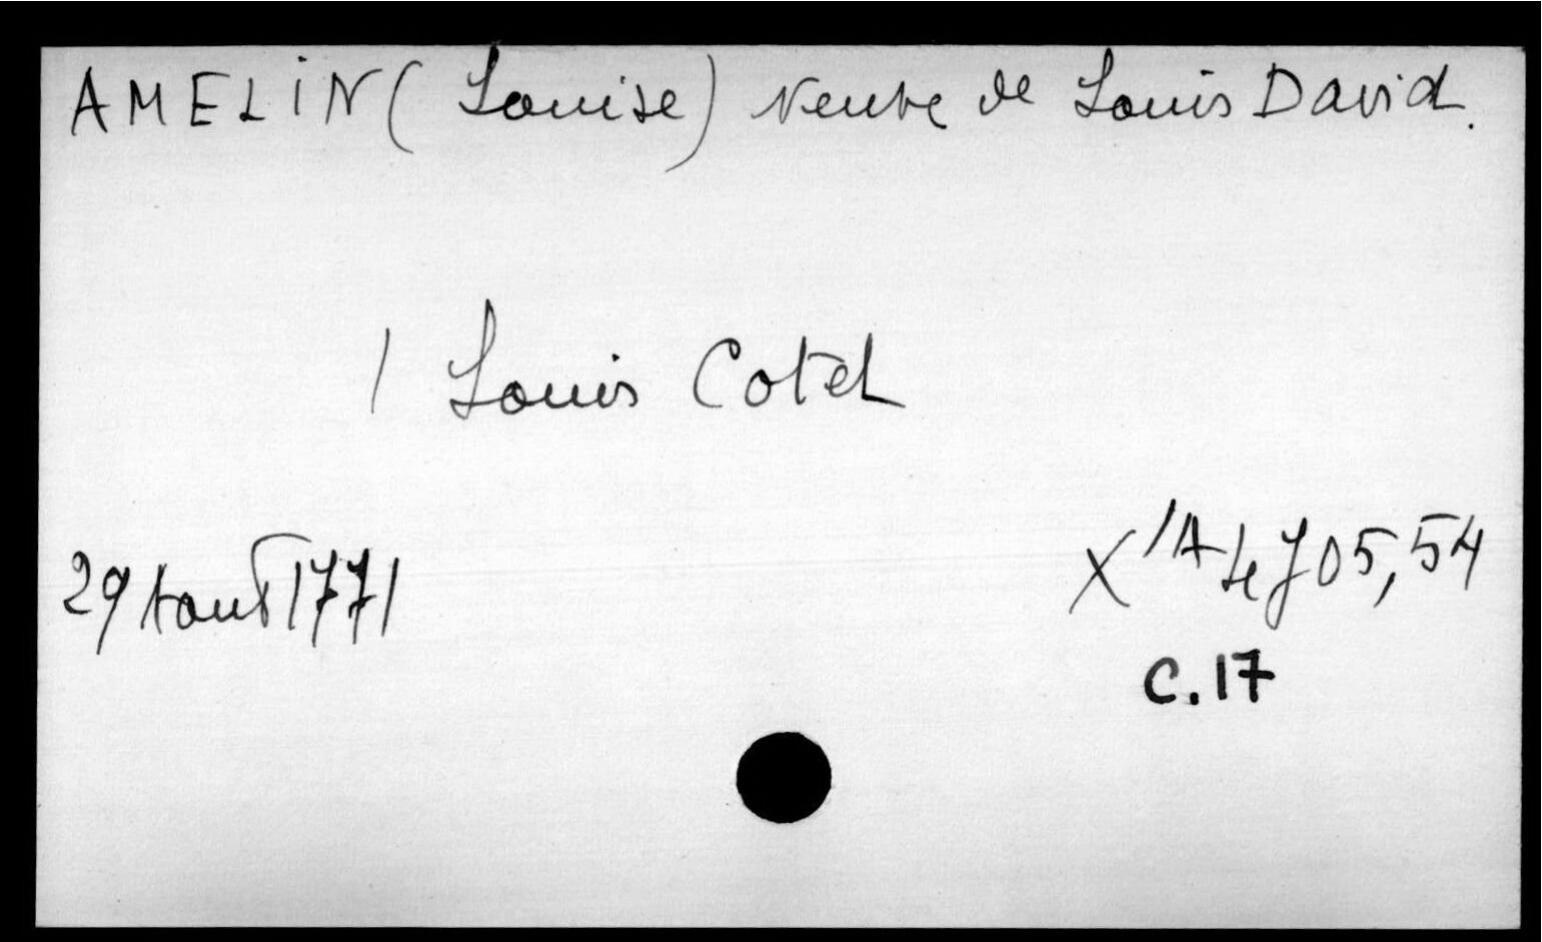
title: AMELIN (Louise) Veuve de Louis David
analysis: Contre Louis Cotel
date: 29 août 1771
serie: X1A
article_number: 4705
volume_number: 54 Conseil, 17
